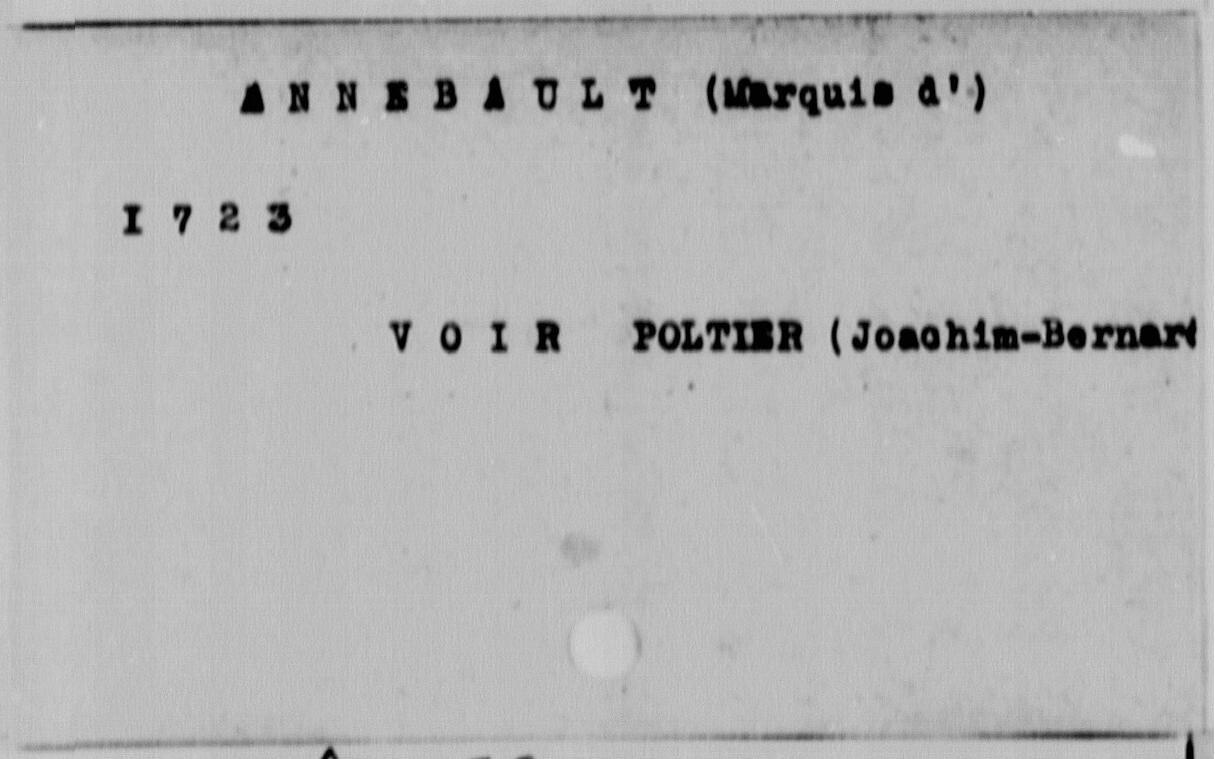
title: ANNEBAULT (Marquis d')
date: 1723
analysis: Voir POLTIER (Joachim-Bernard)
